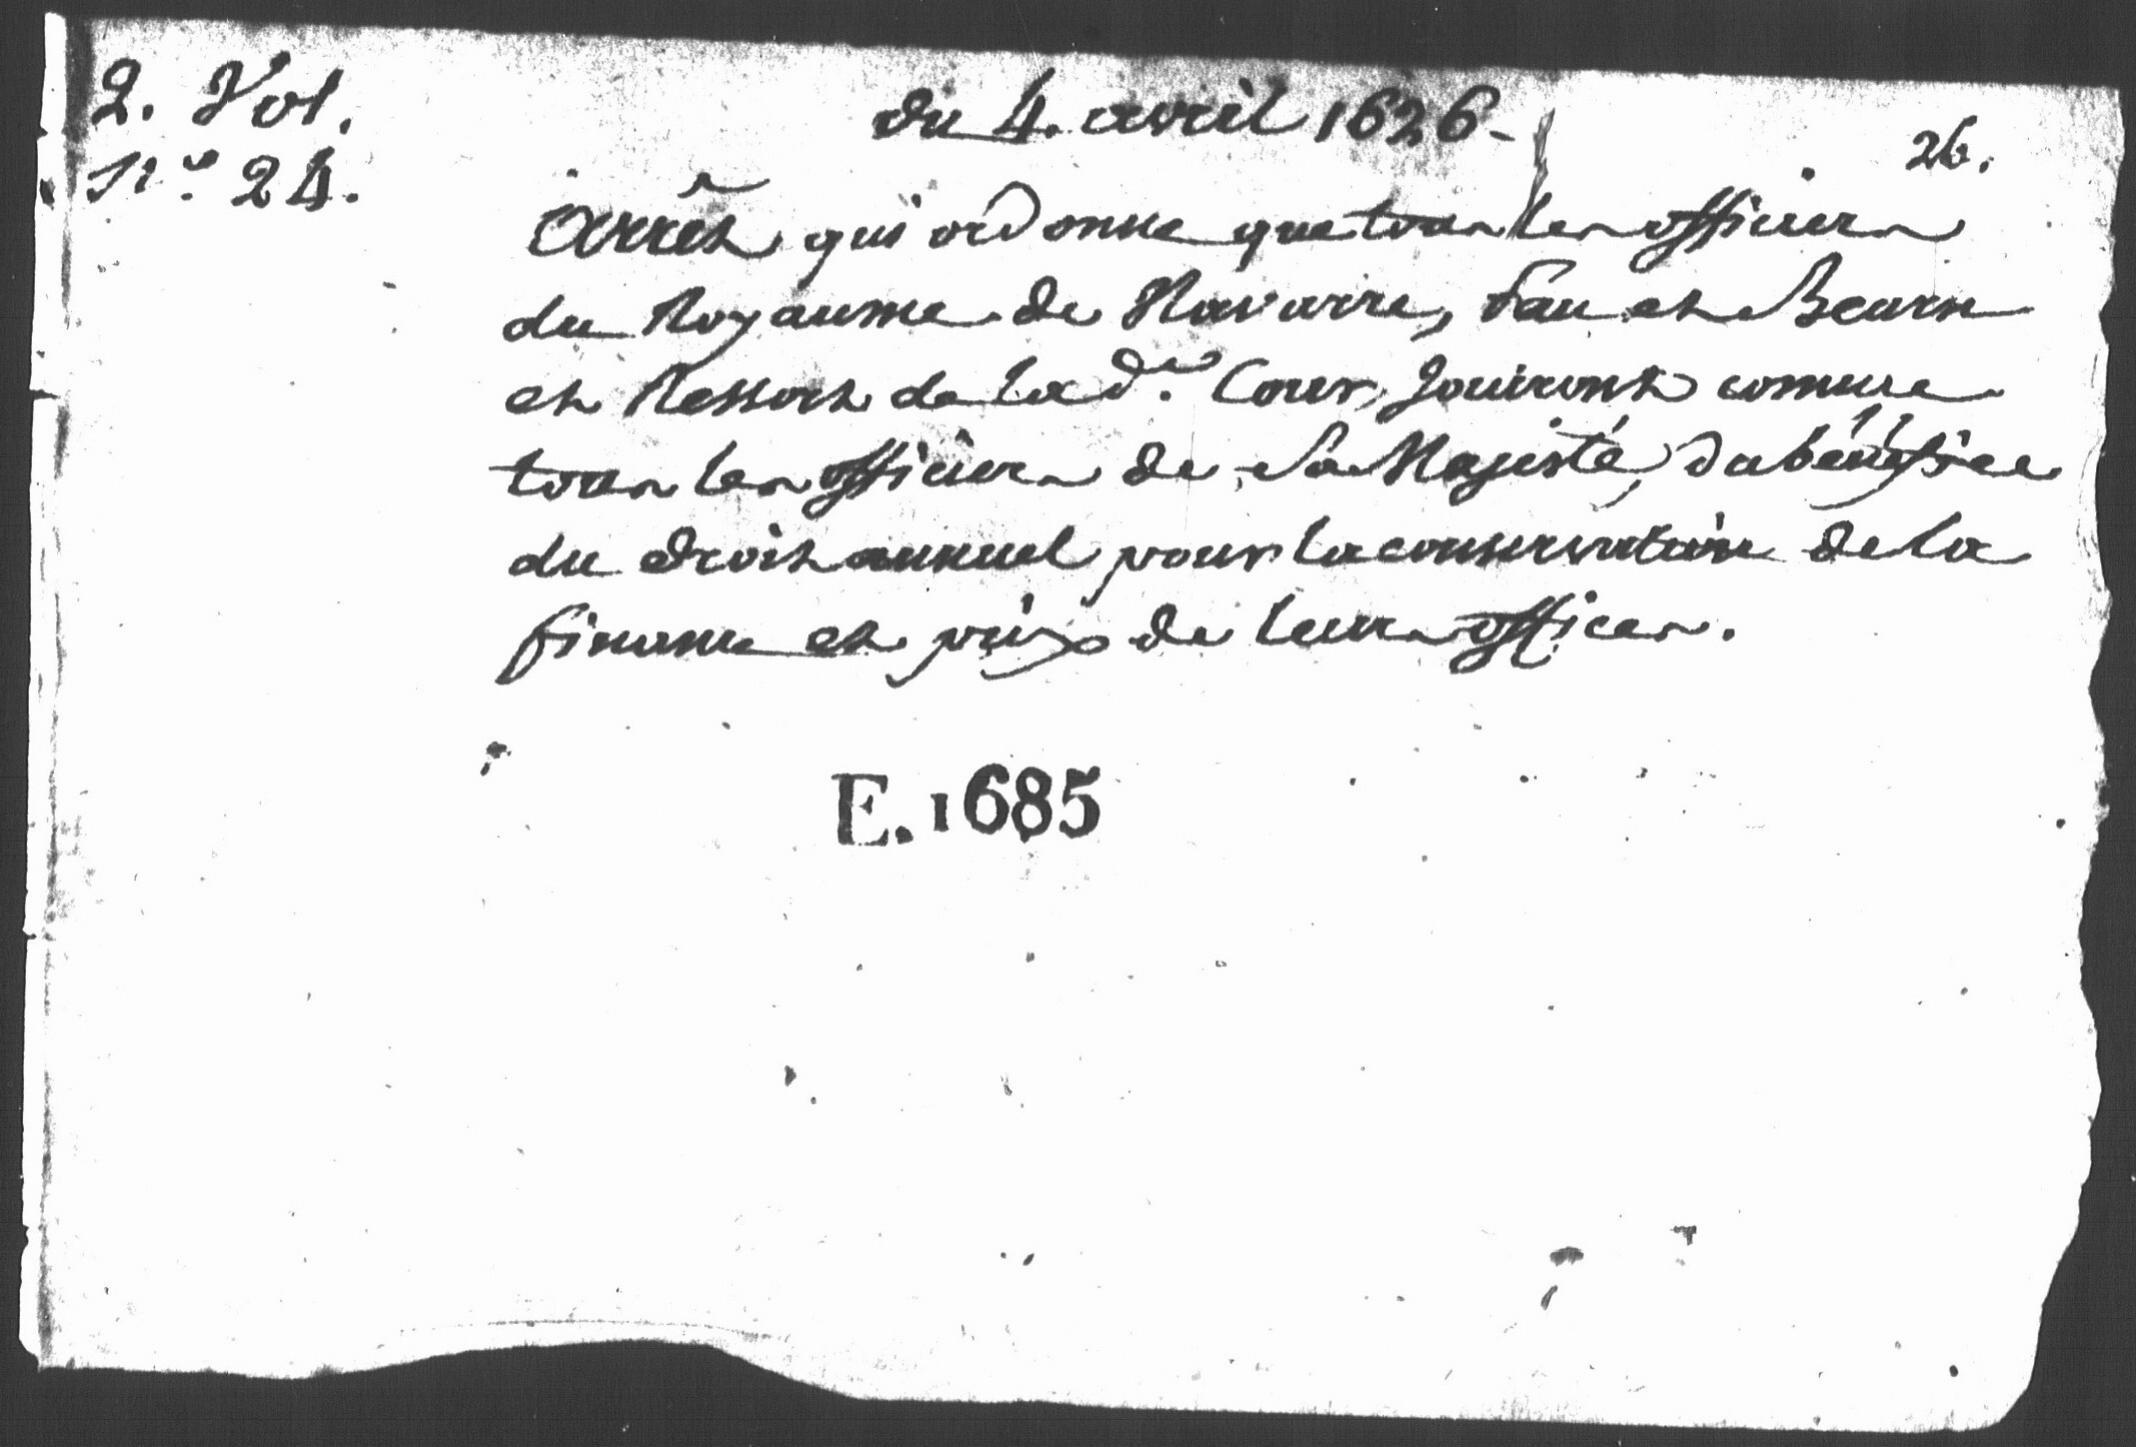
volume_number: n°24
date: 4 avril 1626
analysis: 26
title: Arrêt qui ordonne que tous les officiers du Royaume de Navarre, Pau et Bearn et ressort de lad.e Cour, jouiront comme tous les officiers de Sa Majesté du bénéfice du droit annuel pour la conservation de la finance et prix de leur offices.
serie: E
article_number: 1685
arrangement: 2. vol.
